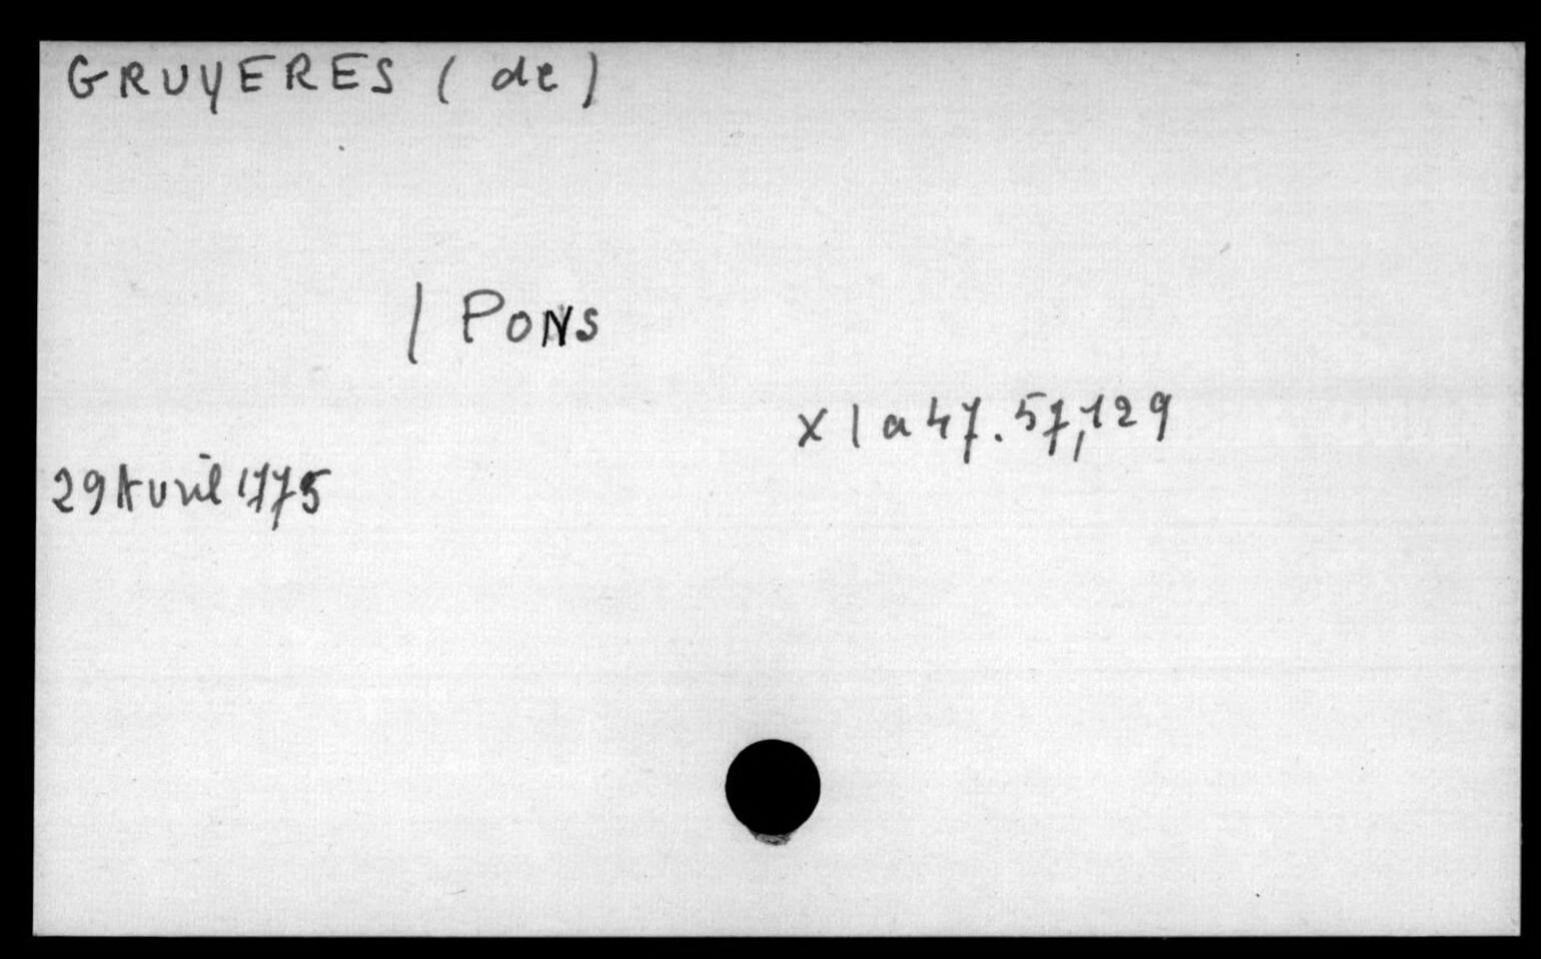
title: GRUYERES (de)
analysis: Contre Pons
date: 29 avril 1775
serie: X1a
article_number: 4757
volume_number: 129
